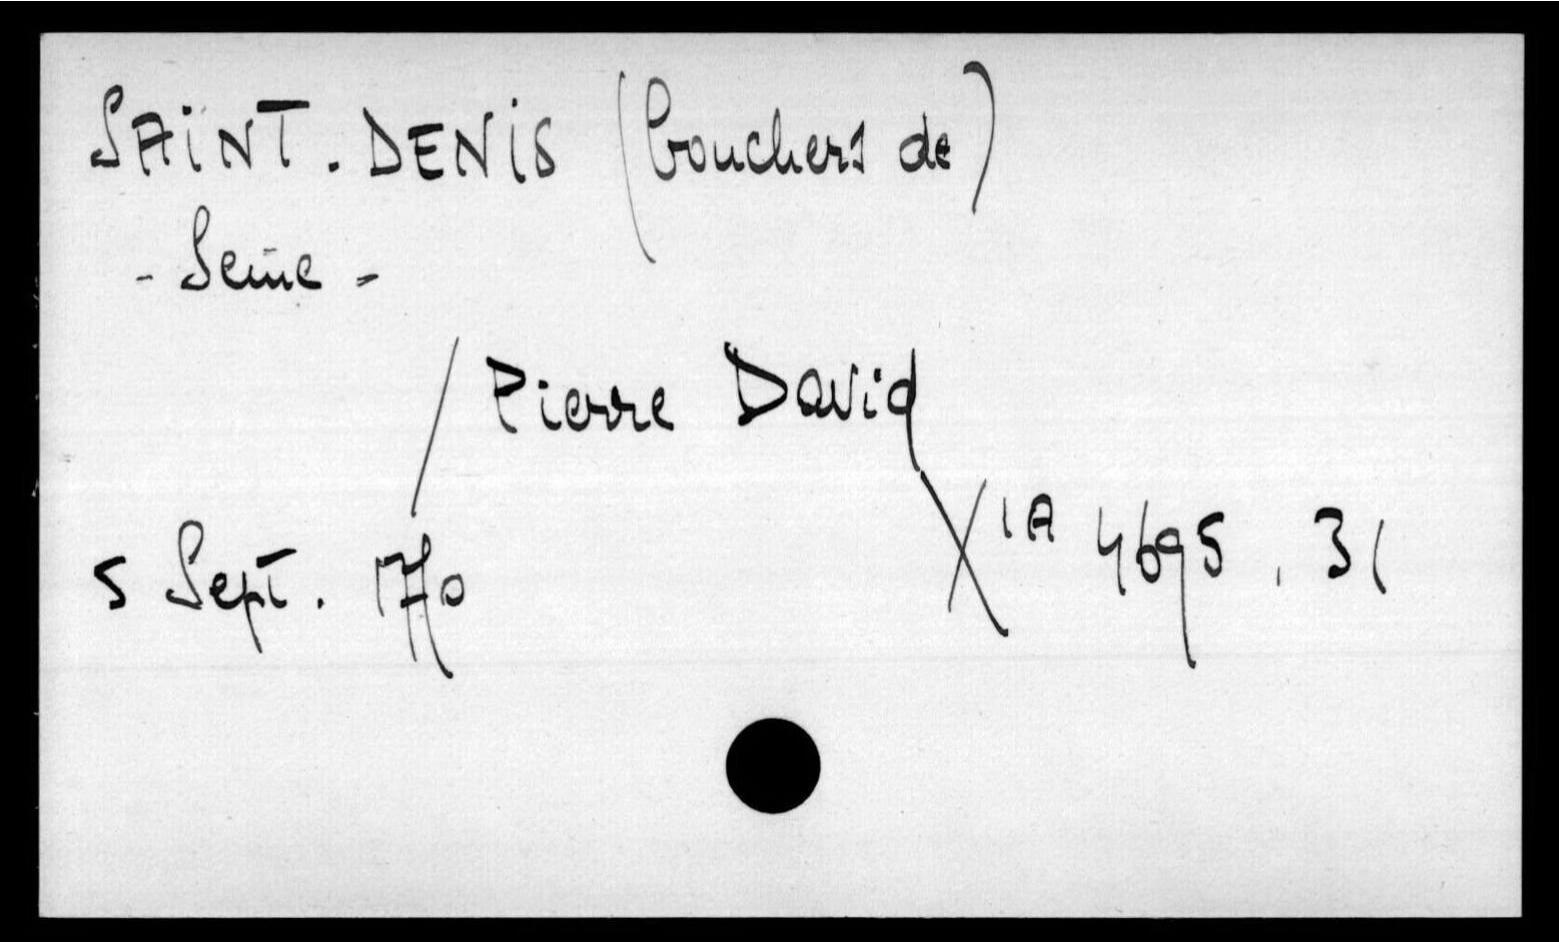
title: SAINT-DENIS (bouchers de) - Seine -
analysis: Contre Pierre David
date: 5 septembre 1770
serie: X1A
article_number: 4695
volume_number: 31
